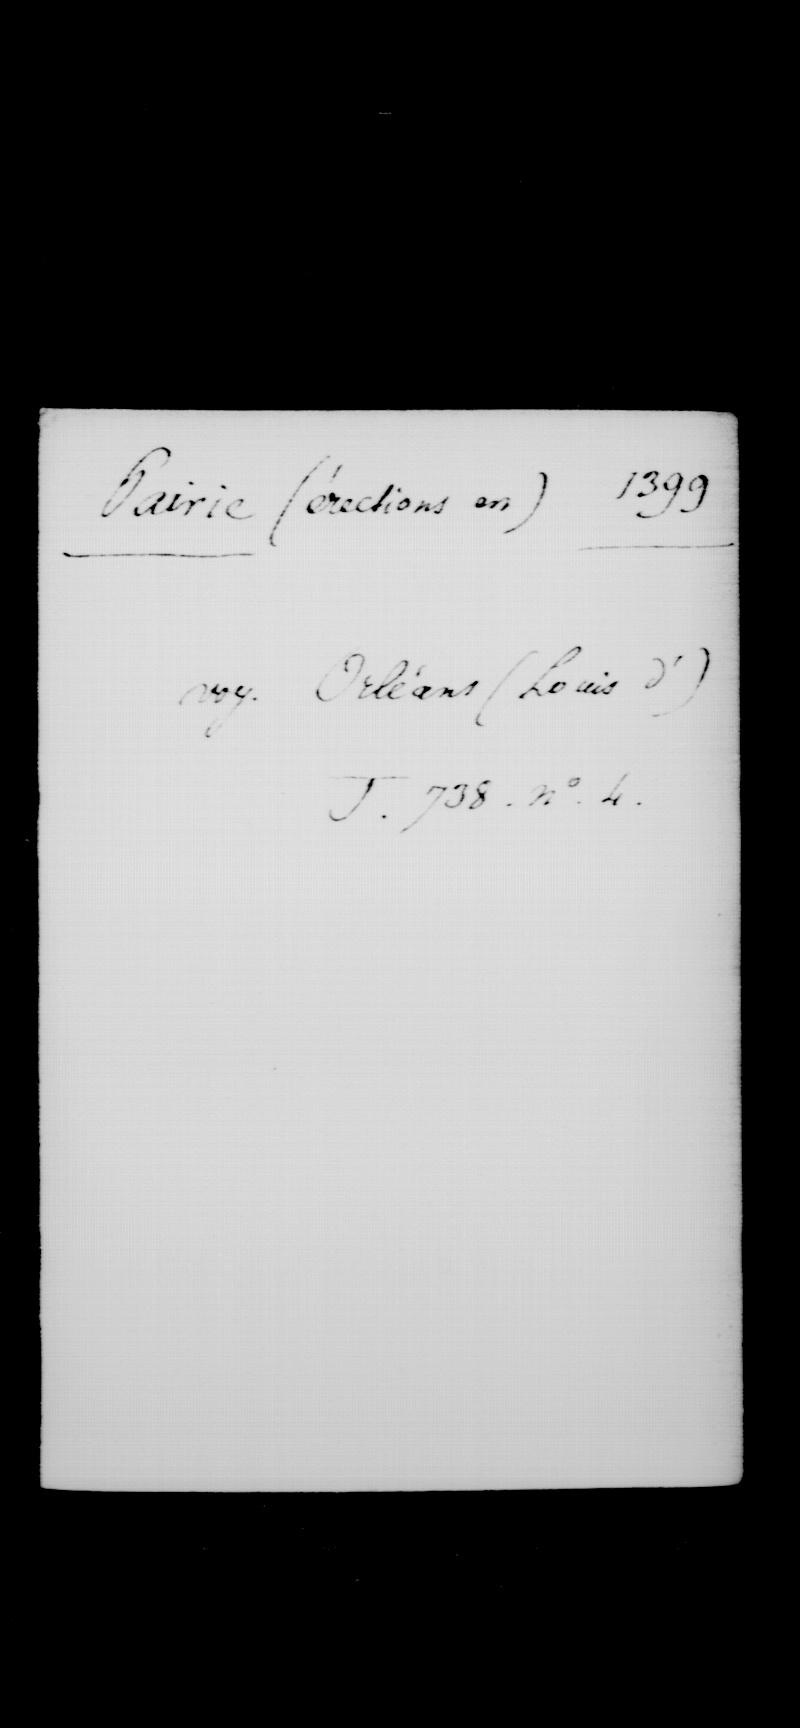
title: Pairie (érections en)
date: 1399
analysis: Voir Orléans (Louis D')
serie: J
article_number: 738
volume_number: n° 4
